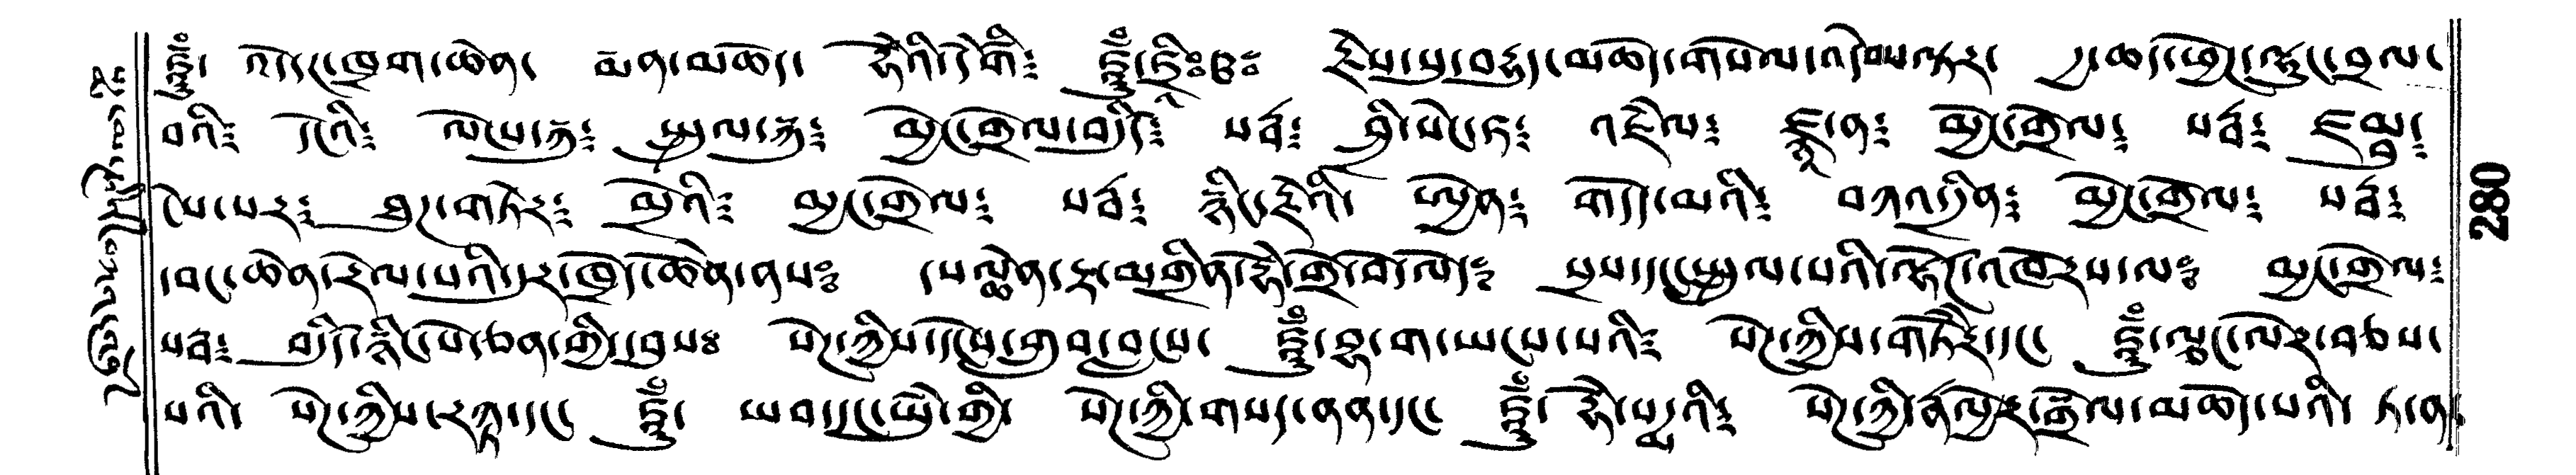ཧཱུྃ༔ འདོད་ཆགས་ཁྲག་ཆེན༴ སྨན་མཆོད། རྡོ་རྗེའི་དམ་ཚིག༴ ཧཱུྃ་ཧྲཱིཿཋ༔ རྗེས་སུ་བརྒྱུད་མཆོད་གསོལ་འདེབས་ལྟར། རྒྱ་ཆད་ཕྱོགས་ལྷུང་བྲལ་
བའི༴ དང་པོའི༴ ལོངས་སྐུ༴ སྤྲུལ་སྐུ༴ མྱོང་གྲོལ་བདུད་རྩི༴ སརྦ༴ ཤྲི་སེང་ཧ༴ འཇམ་དཔལ༴ ཛྙཱ་ན༴ མྱོང་གྲོལ༴ སརྦ༴ ཛམྦུ༴
 ངེས་པར༴ ཐུགས་གཏེར༴ མཁའ་འགྲོའི༴ མྱོང་གྲོལ༴ སརྦ༴ སྙིང་རྗེའི༴ ཨོ་རྒྱན༴ གདོད་མའི༴ བཀའ་དྲིན༴ མྱོང་གྲོལ༴ སརྦ༴ 
དབང་ཆེན་རོལ་པའི་དུར་ཁྲོད་ཆེན་པོ་ནས༔ དཔལ་ཆེན་རྟ་མགྲིན་རྡོ་རྗེ་གྲོ་བོ་ལོད༔ སྲས་དང་སྤྲུལ་པའི་ལྷ་ཚོགས་འཁོར་བཅས་ལ༔ མྱོང་གྲོལ༴ 
སརྦ༴ བདུད་རྩི་སྙིང་པོ་ཅན་གྱི་དབུས༔ སོགས་ཀྱིས་དངོས་གྲུབ་བླང་། ཧཱུྃ༔བྷ་ག་ཡངས་པའི༴ སོགས་ཀྱིས་གཏོར་མ་དང་། ཧཱུྃ༔ལྕང་ལོར་བཅས་
པའི༴ སོགས་ཀྱིས་རཀྟ་དང་། ཧཱུྃ༔ ཡབ་དང་ཡུམ་གྱི༴ སོགས་ཀྱི་གསད་མནན་དང་། ཧཱུྃ༔ རྡོ་རྗེ་པདྨའི༴ སོགས་ཀྱིས་སྦྱོར་སྒྲོལ་མཆོད་པའི། ཏ་ན་